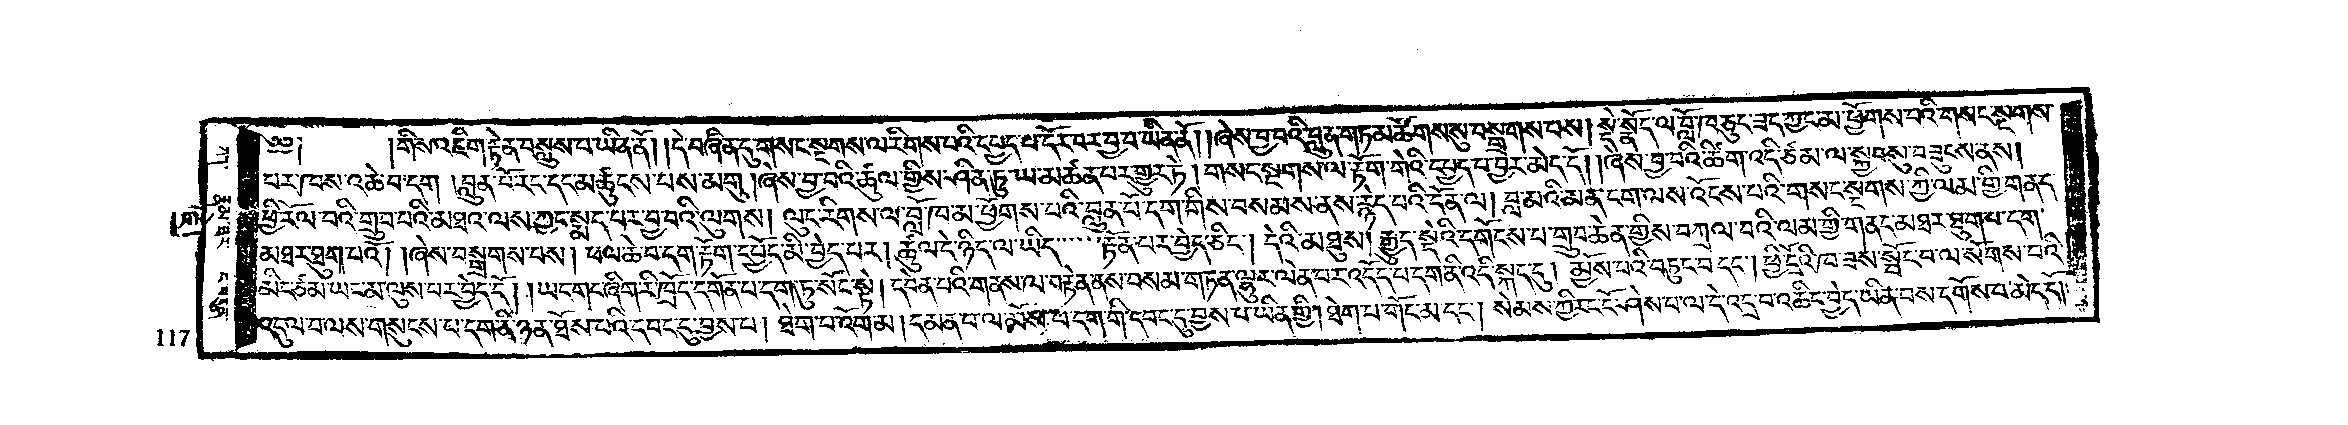༄༅། །གིས་འཇིག་རྟེན་བསླུས་བ་ཡིན་ནོ། །དེ་བཞིན་དུ་གསང་སྔགས་ལ་རིགས་པའི་དཔྱད་པ་དོར་བར་བྱ་བ་ཡིན་ནོ། །ཞེས་བྱ་བའི་བླུན་གཏམ་ཚོགས་སུ་བསྒྲགས་པས། སྡེ་སྣོད་ལ་བློ་ཁ་ཅུང་ཟད་ཀྱང་མ་ཕྱོགས་པའི་གསང་སྔགས་
པར་ཁས་འཆེ་བ་དག། བླུན་པོ་རང་དང་མཚུངས་པས་མགུ །ཞེས་བྱ་བའི་ཚུལ་གྱིས་ཤིན་ཏུ་ཡ་མཚན་པར་གྱུར་ཏེ། གསང་སྔགས་ལ་རྟོག་གེའི་དཔྱད་པ་བྱར་མེད་དོ། །ཞེས་བྱ་བའི་ཚིག་འདི་ཙམ་ལ་སྐྱབས་སུ་བཟུངས་ནས།
ཕྱི་རོལ་བའི་གྲུབ་པའི་མཐའ་ལས་ཀྱང་སྨད་པར་བྱ་བའི་ལུགས། ལུང་རིགས་ལ་བློ་ཁ་མ་ཕྱོགས་པའི་བླུན་པོ་དག་གིས་བསམས་ནས་རྙེད་པའི་དོན་ལ། བླ་མའི་མན་ངག་ལས་འོངས་པའི་གསང་སྔགས་ཀྱི་ལམ་གྱི་གནད་
མཐར་ཐུག་པའོ། །ཞེས་བསྒྲགས་པས། ཕལ་ཆེ་བ་དག་རྟོག་དཔྱོད་མི་བྱེད་པར། ཚུལ་དེ་ཉིད་ལ་ཡིད་རྟོན་པར་བྱེད་ཅིང་། དེའི་མཐུས། རྒྱུད་སྡེའི་དགོངས་པ་གྲུབ་ཆེན་གྱིས་བཀྲལ་བའི་ལམ་གྱི་གནད་མཐར་ཐུག་པ་དག་
མིང་ཙམ་ཡང་མ་ལུས་པར་བྱེད་དོ། །ཡང་གང་ཞིག་རི་ཁྲོད་དགོན་པ་དག་ཏུ་སོང་སྟེ། དབེན་པའི་གནས་ལ་བརྟེན་ནས་བསམ་གཏན་ལྷུར་ལེན་པར་འདོད་པ་དག་ནི་འདི་སྐད་དུ། མྱོས་པའི་བཏུང་བ་དང་། ཕྱི་དྲོའི་ཁ་ཟས་སྤོང་བ་ལ་སོགས་པའི་
འདུལ་བ་ལས་གསུངས་པ་དག་ནི་ཉན་ཐོས་པའི་དབང་དུ་བྱས་པ། ཐེག་པ་འོག་མ། དམན་བ་ལ་མོས་པ་དག་གི་དབང་དུ་བྱས་པ་ཡིན་གྱི། ཐེག་པ་གོང་མ་དང་། སེམས་ཀྱི་རང་ངོ་ཤེས་པ་ལ་དེ་འདྲ་བ་འཆིང་བྱེད་ཡིན་པས་དགོས་པ་མེད་དོ།